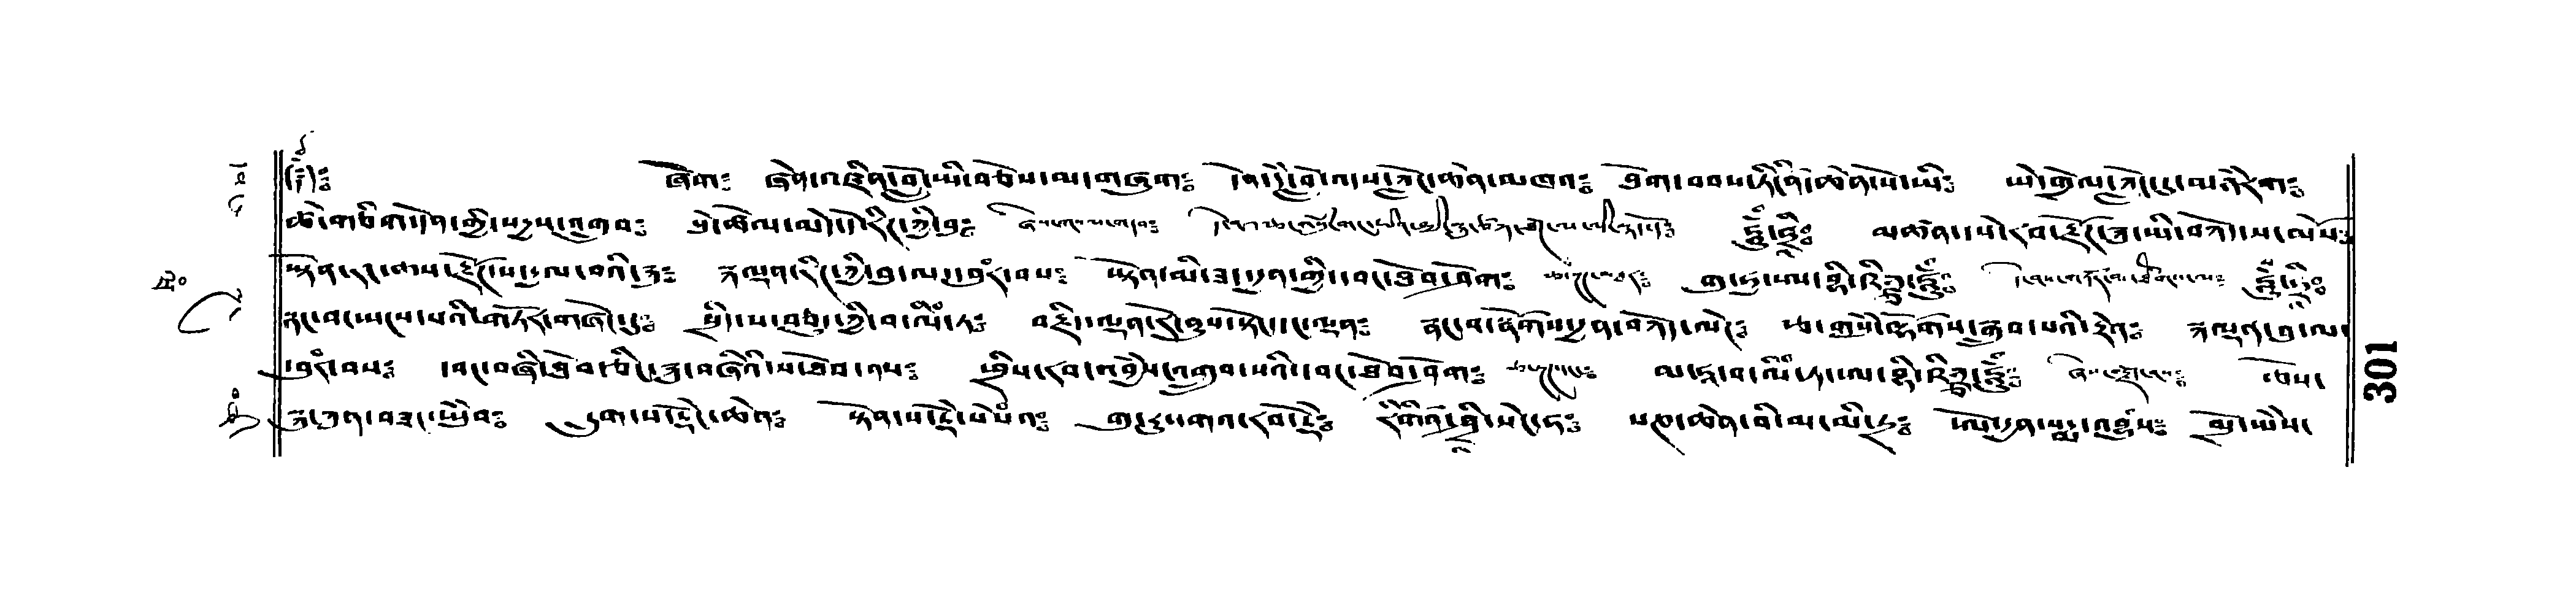ཞོག༔ ཞེན་འཛིན་བློ་ཡི་བཅོས་མ་གཞུག༔ དོན་དམ་བློ་འདས་ཀློང་ཆེན་མཁའ༔ ཐོག་བབས་ཏིང་འཛིན་ཆེན་པོ་ཡི༔ ཡེ་གྲོལ་ཀློང་དུ་མཉམ་པར་བདག༔ 
ཚེ་གཅིག་དོན་གྱི་སངས་རྒྱས་འགྲུབ༔ ཐེ་ཚོམ་མེད་དོ་རིགས་ཀྱི་བུ༔ ཞེས་གསལ་གདབ༔ དེ་ནས་རྩ་གསུམ་གང་ཡིན་གྱི་སྐུ་ཙཀ་ཐོགས་ལ་འདི་སྐད་དོ༔ ཧཱུྃ་ཧྲཱིཿ མཚན་དཔེ་རབ་རྫོགས་སྐུ་ཡི་བཀོད་པ་མཛེས༔ 
ཡོན་ཏན་རང་ཆས་རྫོགས་པ་རྒྱལ་བའི་སྐུ༔ སྐལ་ལྡན་རིགས་ཀྱི་བུ་ལ་དབང་བསྐུར་བས༔ ཡོན་ཏན་མི་ཟད་རྒྱན་གྱི་དབང་ཐོབ་ཤོག༔ རྩ་སྔགས་མཐར༔ གུ་ཧྱ་ཨ་བྷི་རིཉྩ་ཧཱུྃཿ དེ་ནས་གཏོར་མ་ཐོགས་ལ༔ ཧཱུྃ་ཧྲཱིཿ 
སྣང་བ་ཡངས་པའི་གཏོར་གཞོང་དུ༔ སྲིད་པ་བཅུད་ཀྱི་བ་ལིཾ་ཏ༔ བརྗིད་ལྡན་རོ་ནུས་སྟོང་དང་ལྡན༔ སྣང་བ་སྣ་ཚོགས་རྒྱན་བཀོད་ལེགས༔ རྩ་གསུམ་ལྷ་ཚོགས་སྒྲུབ་པའི་རྟེན༔ སྐལ་ལྡན་བུ་ལ་
དབང་བསྐུར་བས༔ དབང་བཞི་ཐོབ་ཅིང་སྐུ་བཞིའི་ས་ཐོབ་ནས༔ ཕྲིན་ལས་རབ་འབྱམས་འགྲུབ་པའི་དབང་ཐོབ་ཤོག༔ རྩ་སྔགས་དང༔ མ་ཧཱ་བ་ལིཾ་ཏ་ཨ་བྷི་རིཉྩ་ཧཱུྃ༔ ཞེས་བརྗོད་ནས༔ ཆོས་
སྐུ་ཀུན་བཟང་ཡབ་ཡུམ༔ དྲུག་པ་རྡོ་རྗེ་འཆང་ཆེན༔ སྟོན་པ་རྡོ་རྗེ་སེམས་དཔའ༔ གུ་རུ་དགའ་རབ་རྡོ་རྗེ༔ རིག་འཛིན་ཤྲཱི་སེང་ཧཿ པཎ་ཆེན་བི་མ་མི་ཏྲ༔ ཨོ་རྒྱན་པདྨ་འབྱུང་གནས༔ མཁའ་འགྲོ་ཡེ་ཤེས་